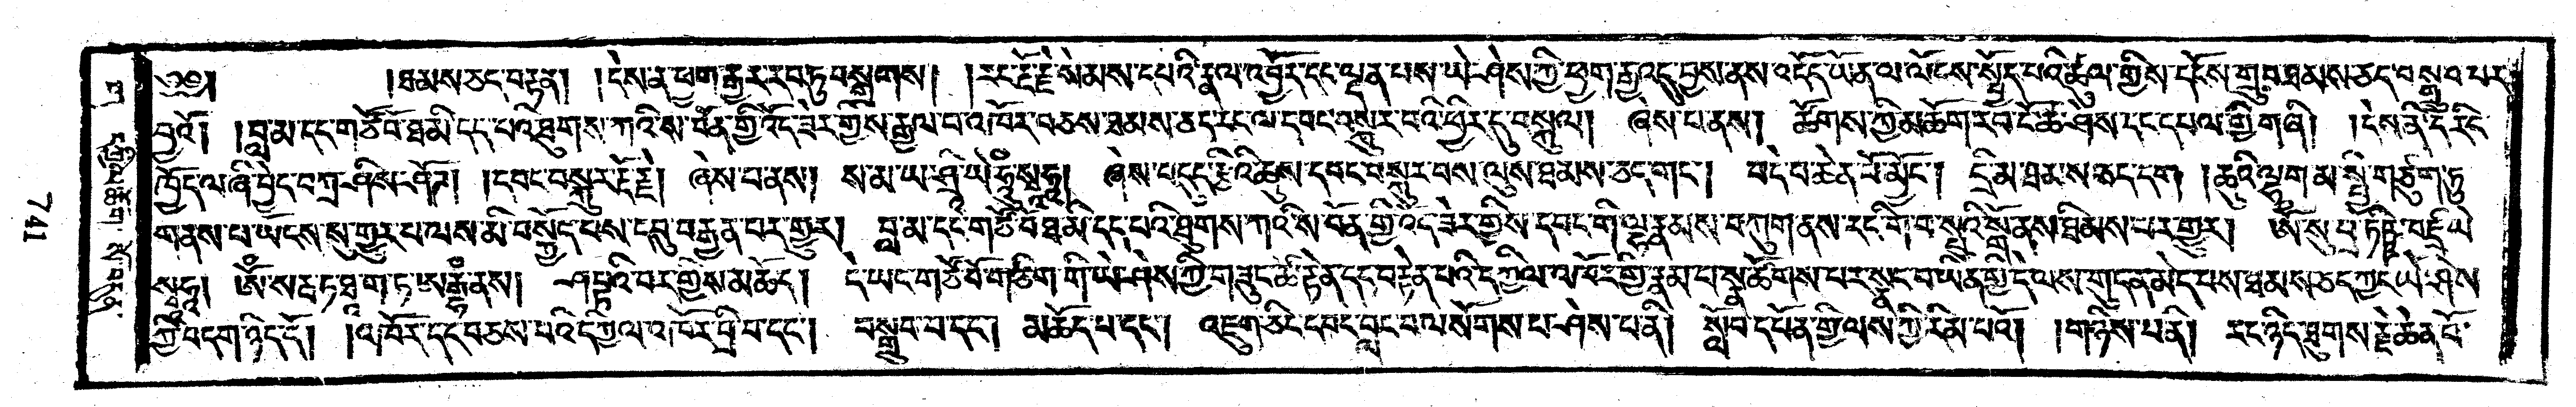༄༅། །ཐམས་ཅད་བརྟན། །དེས་ན་ཕྱག་རྒྱར་རབ་ཏུ་བསྒྲགས། །རང་རྡོ་རྗེ་སེམས་དཔའི་རྣལ་འབྱོར་དང་ལྡན་པས་ཡེ་ཤེས་ཀྱི་ཕྱག་རྒྱ་འདུ་བྱས་ནས་འདོད་ཡོན་ལ་ལོངས་སྤྱོད་པའི་ཚུལ་གྱིས་དངོས་གྲུབ་ཐམས་ཅད་བསྒྲུབ་པར་
བྱའོ། །བླ་མ་དང་གཙོ་བོ་ཐ་མི་དད་པའི་ཐུགས་ཀའི་ས་བོན་གྱི་འོད་ཟེར་གྱིས་རྒྱལ་བ་འཁོར་བཅས་ཐམས་ཅད་རང་ལ་དབང་བསྐུར་བའི་ཕྱིར་དུ་བསྐུལ། ཞེས་པ་ནས། ཚོགས་ཀྱི་མཆོག་རབ་ངོ་ཚ་ཤེས་དང་དཔལ་གྱི་གཞི། །དེས་ནི་ད་རིང་
ཁྱོད་ལ་ཞི་བྱེད་བཀྲ་ཤིས་ཤོཌ། །དབང་བསྐུར་རྡོ་རྗེ། ཞེས་པ་ནས། ས་མ་ཡ་ཤྲཱི་ཡེ་ཧཱུཾ་སྭཱཧཱ། ཞེས་བདུད་རྩིའི་ཆུས་དབང་བསྐུར་བས་ལུས་ཐམས་ཅད་གང་། བདེ་བ་ཆེན་པོ་མྱོང་། དྲི་མ་ཐམས་ཅད་དག །ཆུའི་ལྷག་མ་སྤྱི་གཙུག་ཏུ་
གནས་པ་ཡོངས་སུ་གྱུར་པ་ལས་མི་བསྐྱོད་པས་དབུ་བརྒྱན་པར་གྱུར། བླ་མ་དང་གཙོ་བོ་ཐ་མི་དད་པའི་ཐུགས་ཀའི་ས་བོན་གྱི་འོད་ཟེར་གྱིས་དབང་གི་ལྷ་རྣམས་བཀུག་ནས་རང་གི་བ་སྤུའི་སྒོ་ནས་ཐིམས་པར་གྱུར། ཨོཾ་སུ་པྲ་ཏིཥཊཿཨ་བཛྲ་ཡེ་
སྭཱཧཱ། ཨོཾ་སརྦ་ཏ་ཐཱ་ག་ཏ་ཨརྒྷཾ་ནས། ཤཔྟའི་བར་གྱིས་མཆོད། དེ་ཡང་གཙོ་བོ་གཅིག་གི་ཡེ་ཤེས་ཀྱི་གཟུང་ཚེ་རྟེན་དང་བརྟེན་པའི་དཀྱིལ་འཁོར་གྱི་རྣམ་པ་སྣ་ཚོགས་པར་སྣང་བ་ཡིན་གྱི་དེ་ལས་གུ་དན་མེད་པས་ཐམས་ཅད་ཀྱང་ཡེ་ཤེས་
ཀྱི་བདག་ཉིད་དོ། །འཁོར་དང་བཅས་པའི་དཀྱིལ་འཁོར་བྲི་བ་དང་། བསྒྲུབ་པ་དང་། མཆོད་པ་དང་། འཇུག་ཅིང་དབང་བླང་བ་ལ་སོགས་པ་ཤེས་པ་ནི། སློབ་དཔོན་གྱི་ལས་ཀྱི་རིམ་པའོ། །གཉིས་པ་ནི། རང་ཉིད་ཐུགས་རྗེ་ཆེན་པོ་